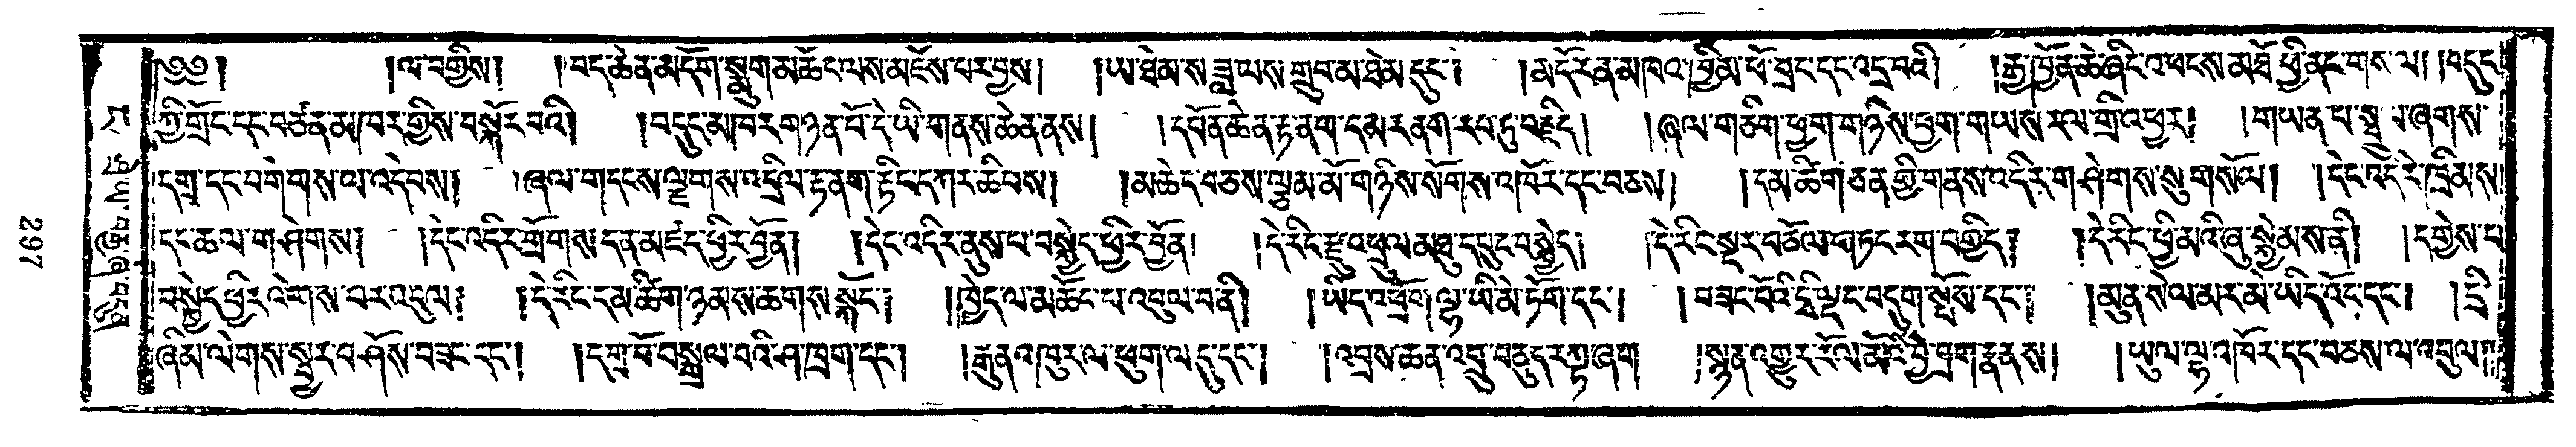༄༅། །ལ་བགྱིས། །བད་ཆེན་མདོག་སྨུག་མཆོད་ལས་མཇོས་པར་བྱས། །ཡ་ཐེམ་ས་ཟླ་ལས་གྲུབ་མ་ཐེམ་དུང་། །མདོར་ན་མཁའ་ཁྱིམ་ཕོ་བྲང་དང་འདྲ་བའི། །རྒྱ་ཁྱོན་ཆེ་ཞིང་འཕངས་མཐོ་ཕྱི་ནང་གསལ། །བདུད་
ཀྱི་གྲོང་དང་བཙན་མཁར་གྱིས་བསྐོར་བའི། །བདུད་མཁར་གཉན་པོ་དེ་ཡི་གནས་ཆེན་ནས། །དཔོན་ཆེན་རྟ་ནག་དམར་ནག་རབ་ཏུ་བརྗིད། །ཞལ་གཅིག་ཕྱག་གཉིས་ཕྱག་གཡས་རལ་གྲི་འཕྱར། །གཡན་པ་སྦྲུལ་ཞགས་
དགྲ་དང་བགེགས་ལ་འདེབས། །ཞལ་གདངས་ལྗགས་འདྲིལ་རྟ་ནག་རྟིང་དཀར་ཆིབས། །མཆེད་བཅས་ལྕམ་མོ་གཉིས་སོགས་འཁོར་དང་བཅས། །དམ་ཚིག་ཅན་གྱི་གནས་འདིར་གཤེགས་སུ་གསོལ། །དེང་འདིར་ཁྲིམས་
དང་ཆ་ལ་གཤེགས། །དེང་འདིར་གྲོགས་དན་མཛད་ཕྱིར་བྱོན། །དེང་འདིར་ནུས་པ་བསྐྱེད་ཕྱིར་བྱོན། །དེ་རིང་རྫུ་འཕྲུལ་མཐུ་དཔུང་བསྐྱེད། །དེ་རིང་སྔར་བཅོལ་གཏང་རག་བགྱིད། །དེ་རིང་ཕྱི་མའི་ཞུ་སྐྱེམས་ནི། །དགྱེས་པ་
བསྐྱེད་ཕྱིར་ལེགས་བར་འབུལ། །དེ་རིང་དམ་ཚིག་ཉམས་ཆགས་སྐོང་། །ཁྱེད་ལ་མཆོད་པ་འབུལ་བ་ནི། །ཡིད་འཕྲོག་ལྷ་ཡི་མེ་ཏོག་དང་། །བཟང་པོའི་དི་ལྡང་བདུག་སྤོས་དང་། །མུན་སེལ་མར་མེ་ཡིད་འོད་དང་། །དྲི་
ཞིམ་ལེགས་སྦྱར་བཤོས་བཟང་དང་། །དགྲ་བོ་བསྒྲལ་བའི་ཤ་ཁྲག་དང་། །རྒུན་འཁུར་ལ་ཕུག་ལ་དུ་དང་། །འབྲས་ཆན་འབྲུ་བཅུད་རཀྟ་ཞག །སྙན་འགྱུར་རོལ་མོའི་བྱེ་བྲག་རྣན་ས། །ཡུལ་ལྷ་འཁོར་དང་བཅས་ལ་འབུལ།།